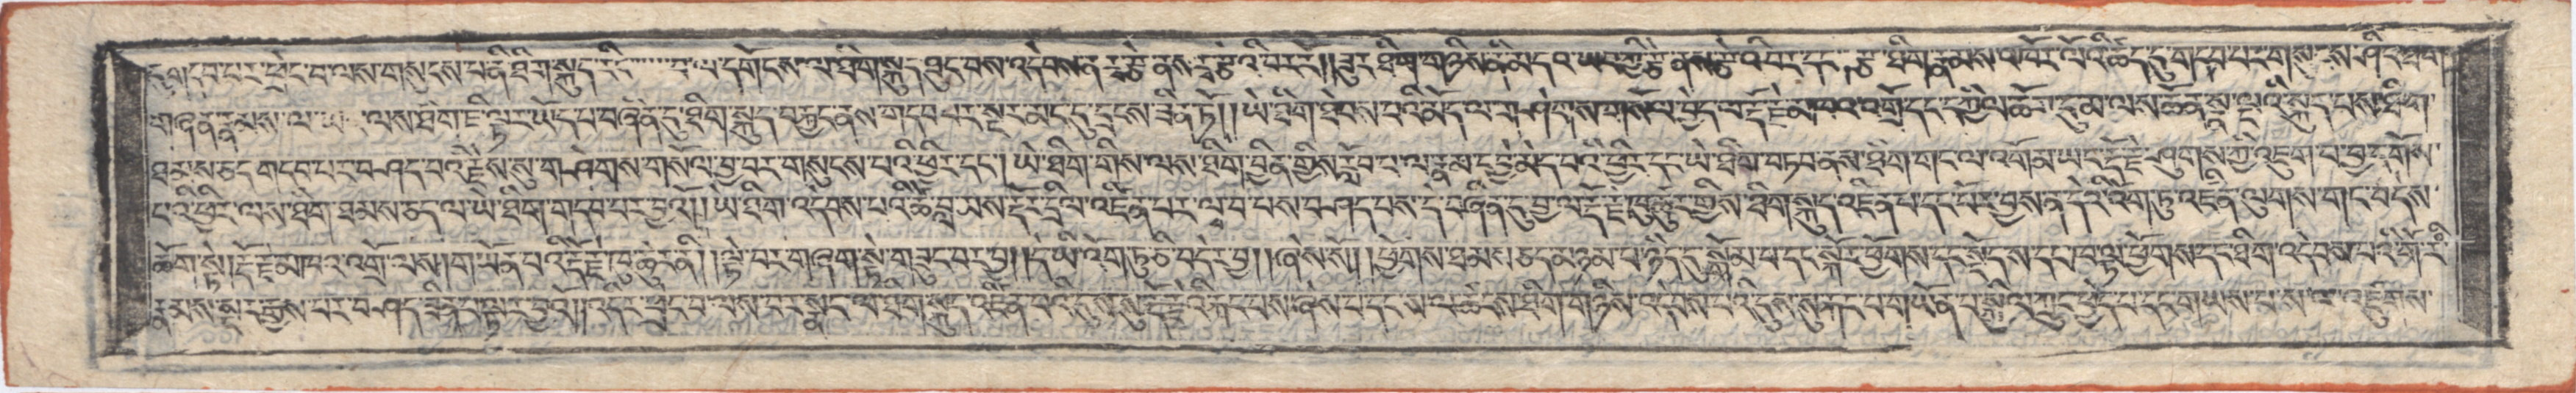དུ་གདབ་པར་ཕྲེང་བ་ལས་གསུངས་པ་ནི་ཐིག་སྐུད་རིང་བ་ལ་དགོངས་ལ་ཐིག་སྐུད་ཐུང་བས་འདེབས་ན་རྭ་རྩེ་ནས་རྭ་རྩེའི་བར་རོ། །ཟུར་ཐིག་གཉིས་ནི་མདའ་ཡབ་ཀྱི་རྩེ་ནས་རྩེའི་བར་དང་། རྩ་ཐིག་རྣམས་འཁོར་ལོའི་ཚད་དུ་གདབ་པར་གསུངས་ཤིང་ཐིག་
གཞན་རྣམས་ལ་ཡང་ལས་ཐིག་ཇི་ལྟར་ཡོད་པ་བཞིན་དུ་ཐིག་སྐུད་བརྐྱང་ནས་གདབ་པར་སྔར་མང་དུ་དྲངས་ཟིན་ཏོ། །ཡེ་ཐིག་ཐེབས་པའི་མོད་ལ་གཤེགས་གསོལ་བྱེད་ལ་རྡོ་རྗེ་མཁའ་འགྲོ་དང་དཀྱིལ་ཆོག་དུ་མ་ལས་ཚོན་སྣ་ལྔའི་སྐུད་པས་ཐིག་
ཐམས་ཅད་གདབ་པར་བཤད་པའི་རྗེས་སུ་གཤེགས་གསོལ་བྱ་བར་གསུངས་པའི་ཕྱིར་དང་། ཡེ་ཐིག་གིས་ལས་ཐིག་བྱིན་གྱིས་རློབ་པ་ལ་རྣམ་དབྱེ་མེད་པའི་ཕྱིར་དང་ཡེ་ཐིག་བཏབ་ནས་ཐིག་གང་ལ་འགོམ་ཡང་རྡོ་རྗེ་ཤུགས་ཀྱི་འཇུག་པ་བྱ་དགོས་
པའི་ཕྱིར་ལས་ཐིག་ཐམས་ཅད་ལ་ཡེ་ཐིག་གདབ་པར་བྱའོ། །ཡེ་ཐིག་འདེབས་པའི་ཚེ་བླ་མས་རྡོར་དྲིལ་འཛིན་པར་ལྭ་བ་པས་བཤད་པས་དེ་བཞིན་དུ་བྱ་ལ་རྡོ་རྗེ་ཁུ་ཚུར་གྱིས་ཐིག་སྐུད་འཛིན་པ་དང་པོར་བྱས་ན་དེའི་འོག་ཏུ་འཛིན་ལུགས་གང་བ་དེས་
ཆོག་སྟེ། རྡོ་རྗེ་མཁའ་འགྲོ་ལས། གཡོན་པའི་རྡོ་རྗེ་ཁུ་ཚུར་ནི། །ལྟེ་བར་གཞག་སྟེ་གཟུང་བར་བྱ། །དེ་ཡི་འོག་ཏུ་ཅི་བདེར་བྱ། །ཞེས་སོ། །ཕྱོགས་ཐམས་ཅད་མཉམ་པ་ཉིད་དུ་སྒོམ་པ་དང་སྐོར་ཕྱོགས་དང་སྡོད་ས་དང་ཁ་ལྟ་ཕྱོགས་དང་ཐིག་འདེབས་པའི་གོ་རིམ་
རྣམས་སྔར་རྒྱས་པར་བཤད་ཟིན་པ་ལྟར་བྱའོ། །འདིར་ཕྲེང་བ་ལས་བར་སྣང་ལ་ཐིག་སྐུད་འཛིན་པའི་དུས་སུ་རྡོ་རྗེའི་རྐང་པས་ཞེས་པ་དང་ས་ལ་ཚངས་ཐིག་གཉིས་འདེབས་པའི་དུས་སུ་རྐང་པ་གཡོན་པ་སྐྱིལ་ཀྲུང་ཕྱེད་པ་དང་གཡས་པ་ས་ལ་འཛུགས་